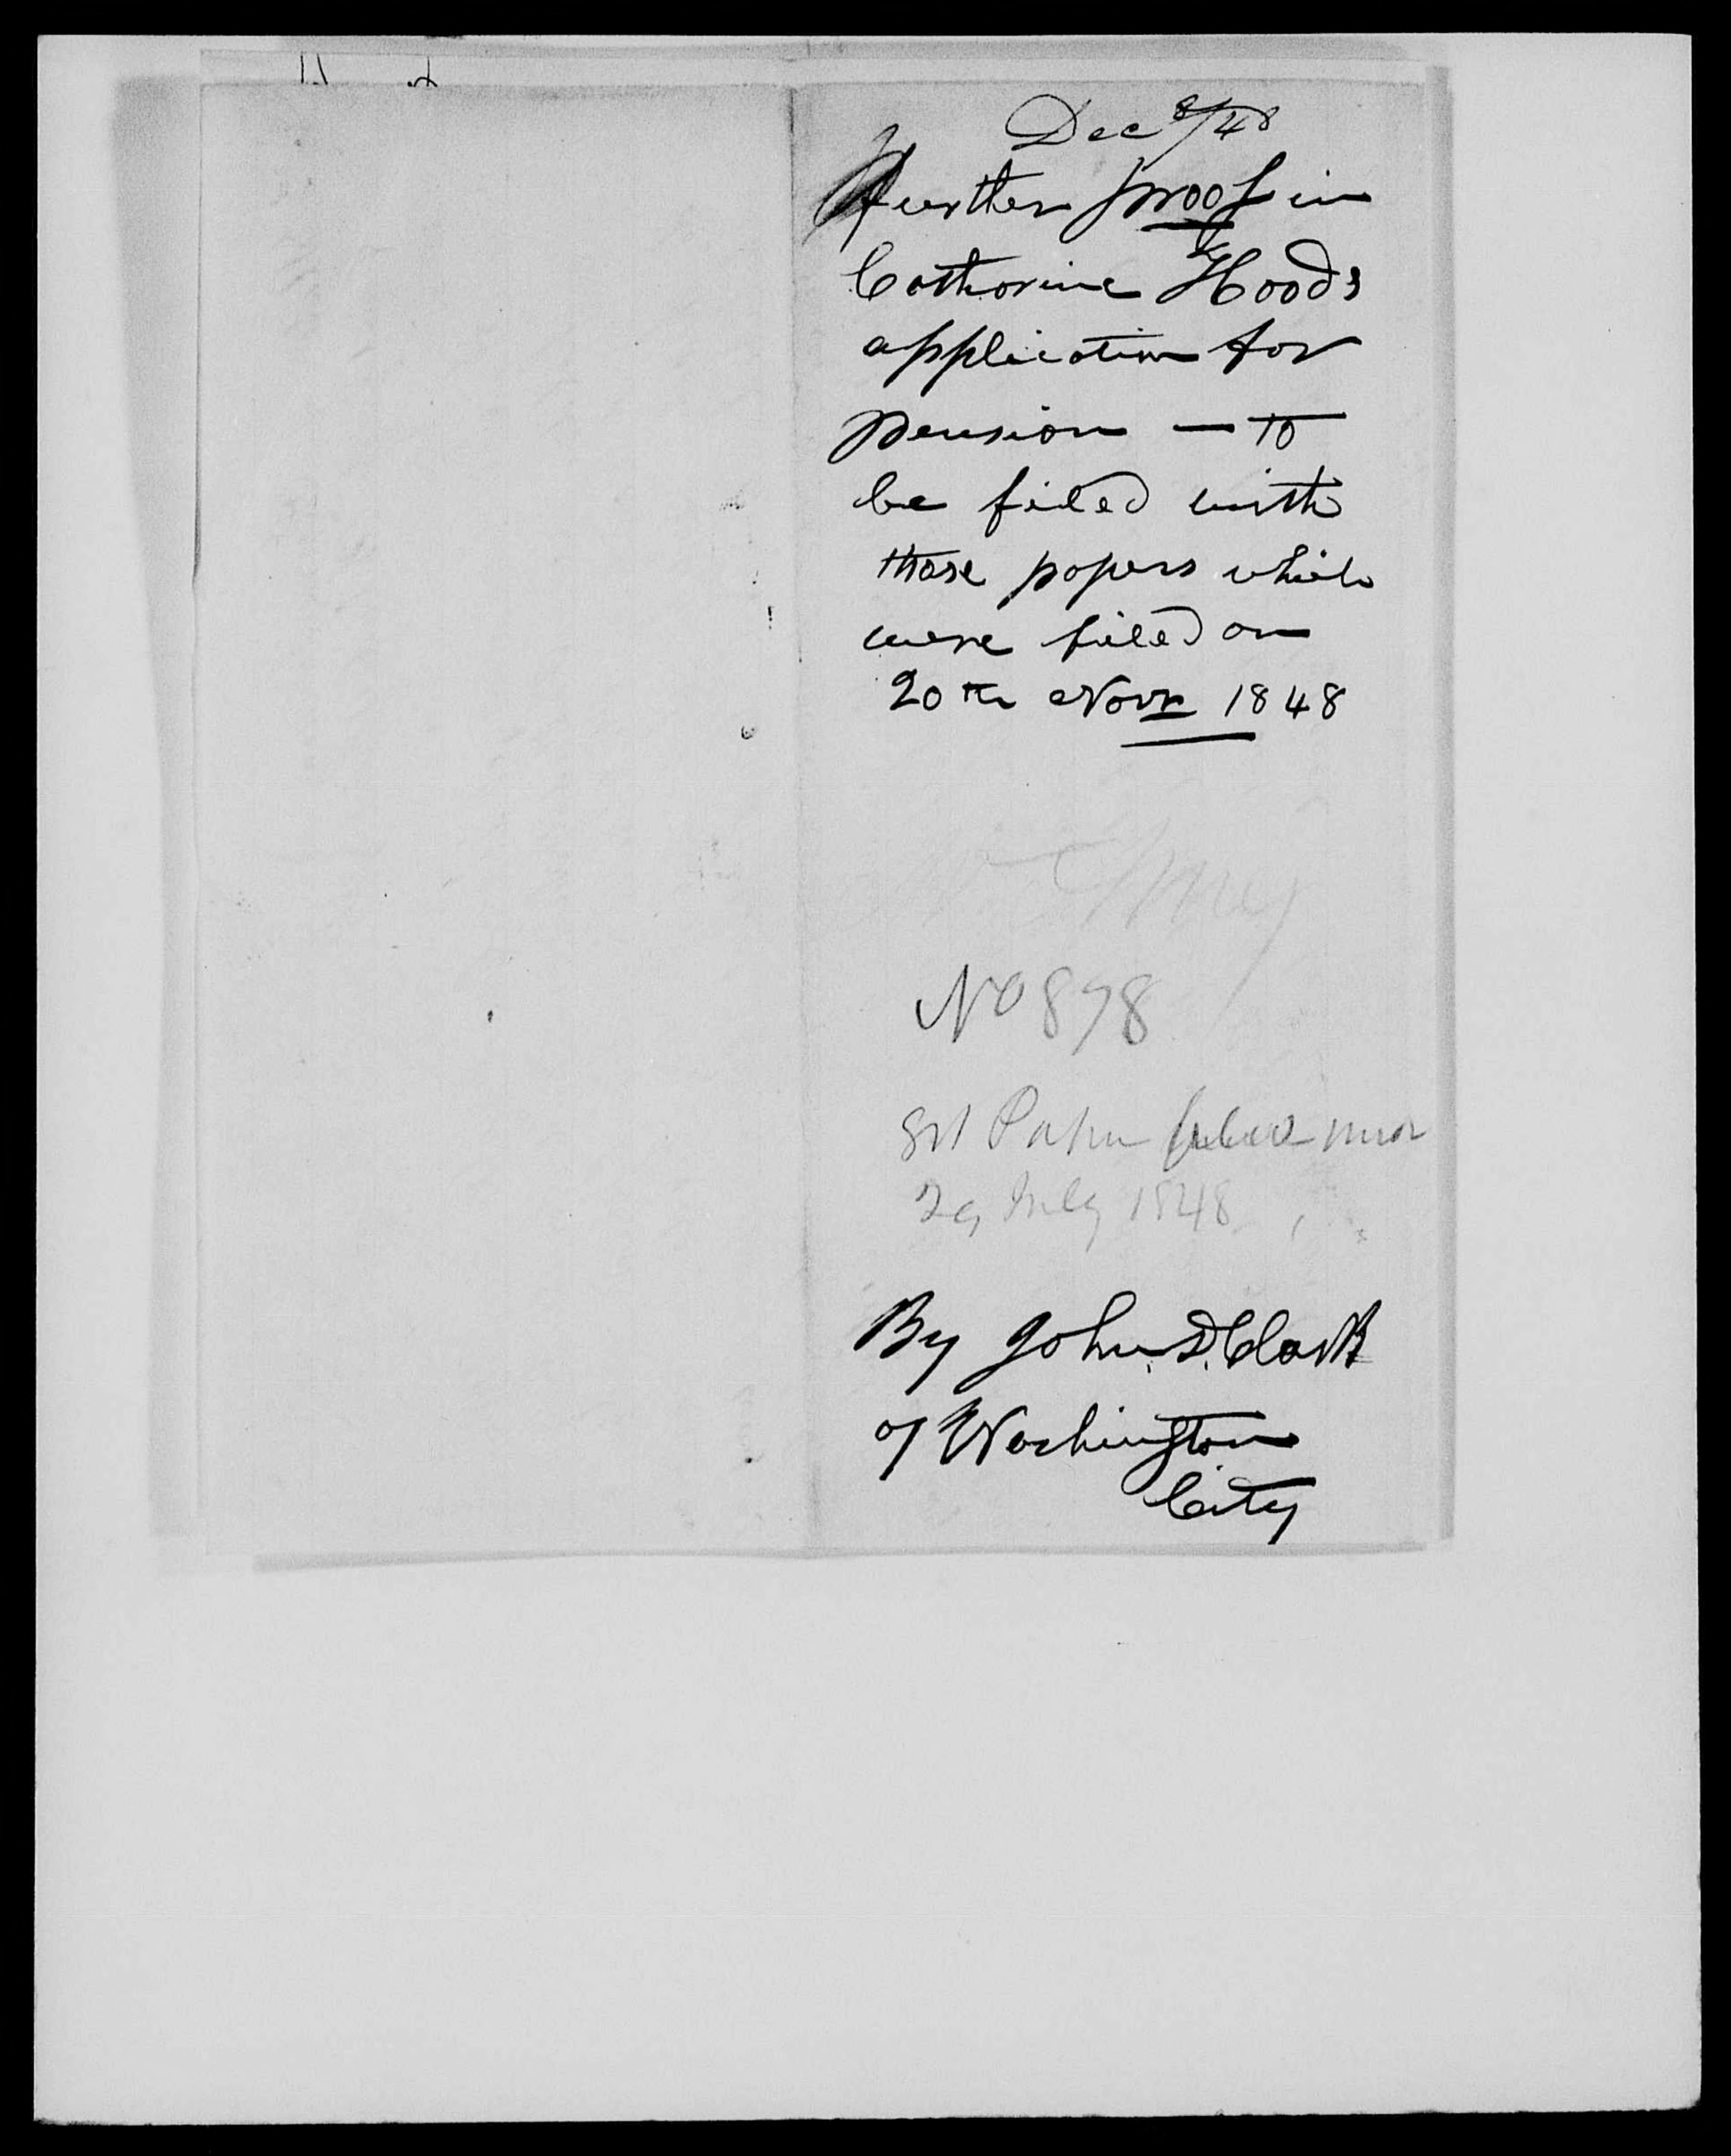December 1848
Further proof in Catharine Hood’s application for pension – to be filed with those papers which were filed on 20th November 1848.
No. 878
Paper filed 29th July 1848
By John D. Clark of Washington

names: John D Clark, Catharine Hoods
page: 6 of 51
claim: widow's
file: W 8939, George Hood, Continental Va.